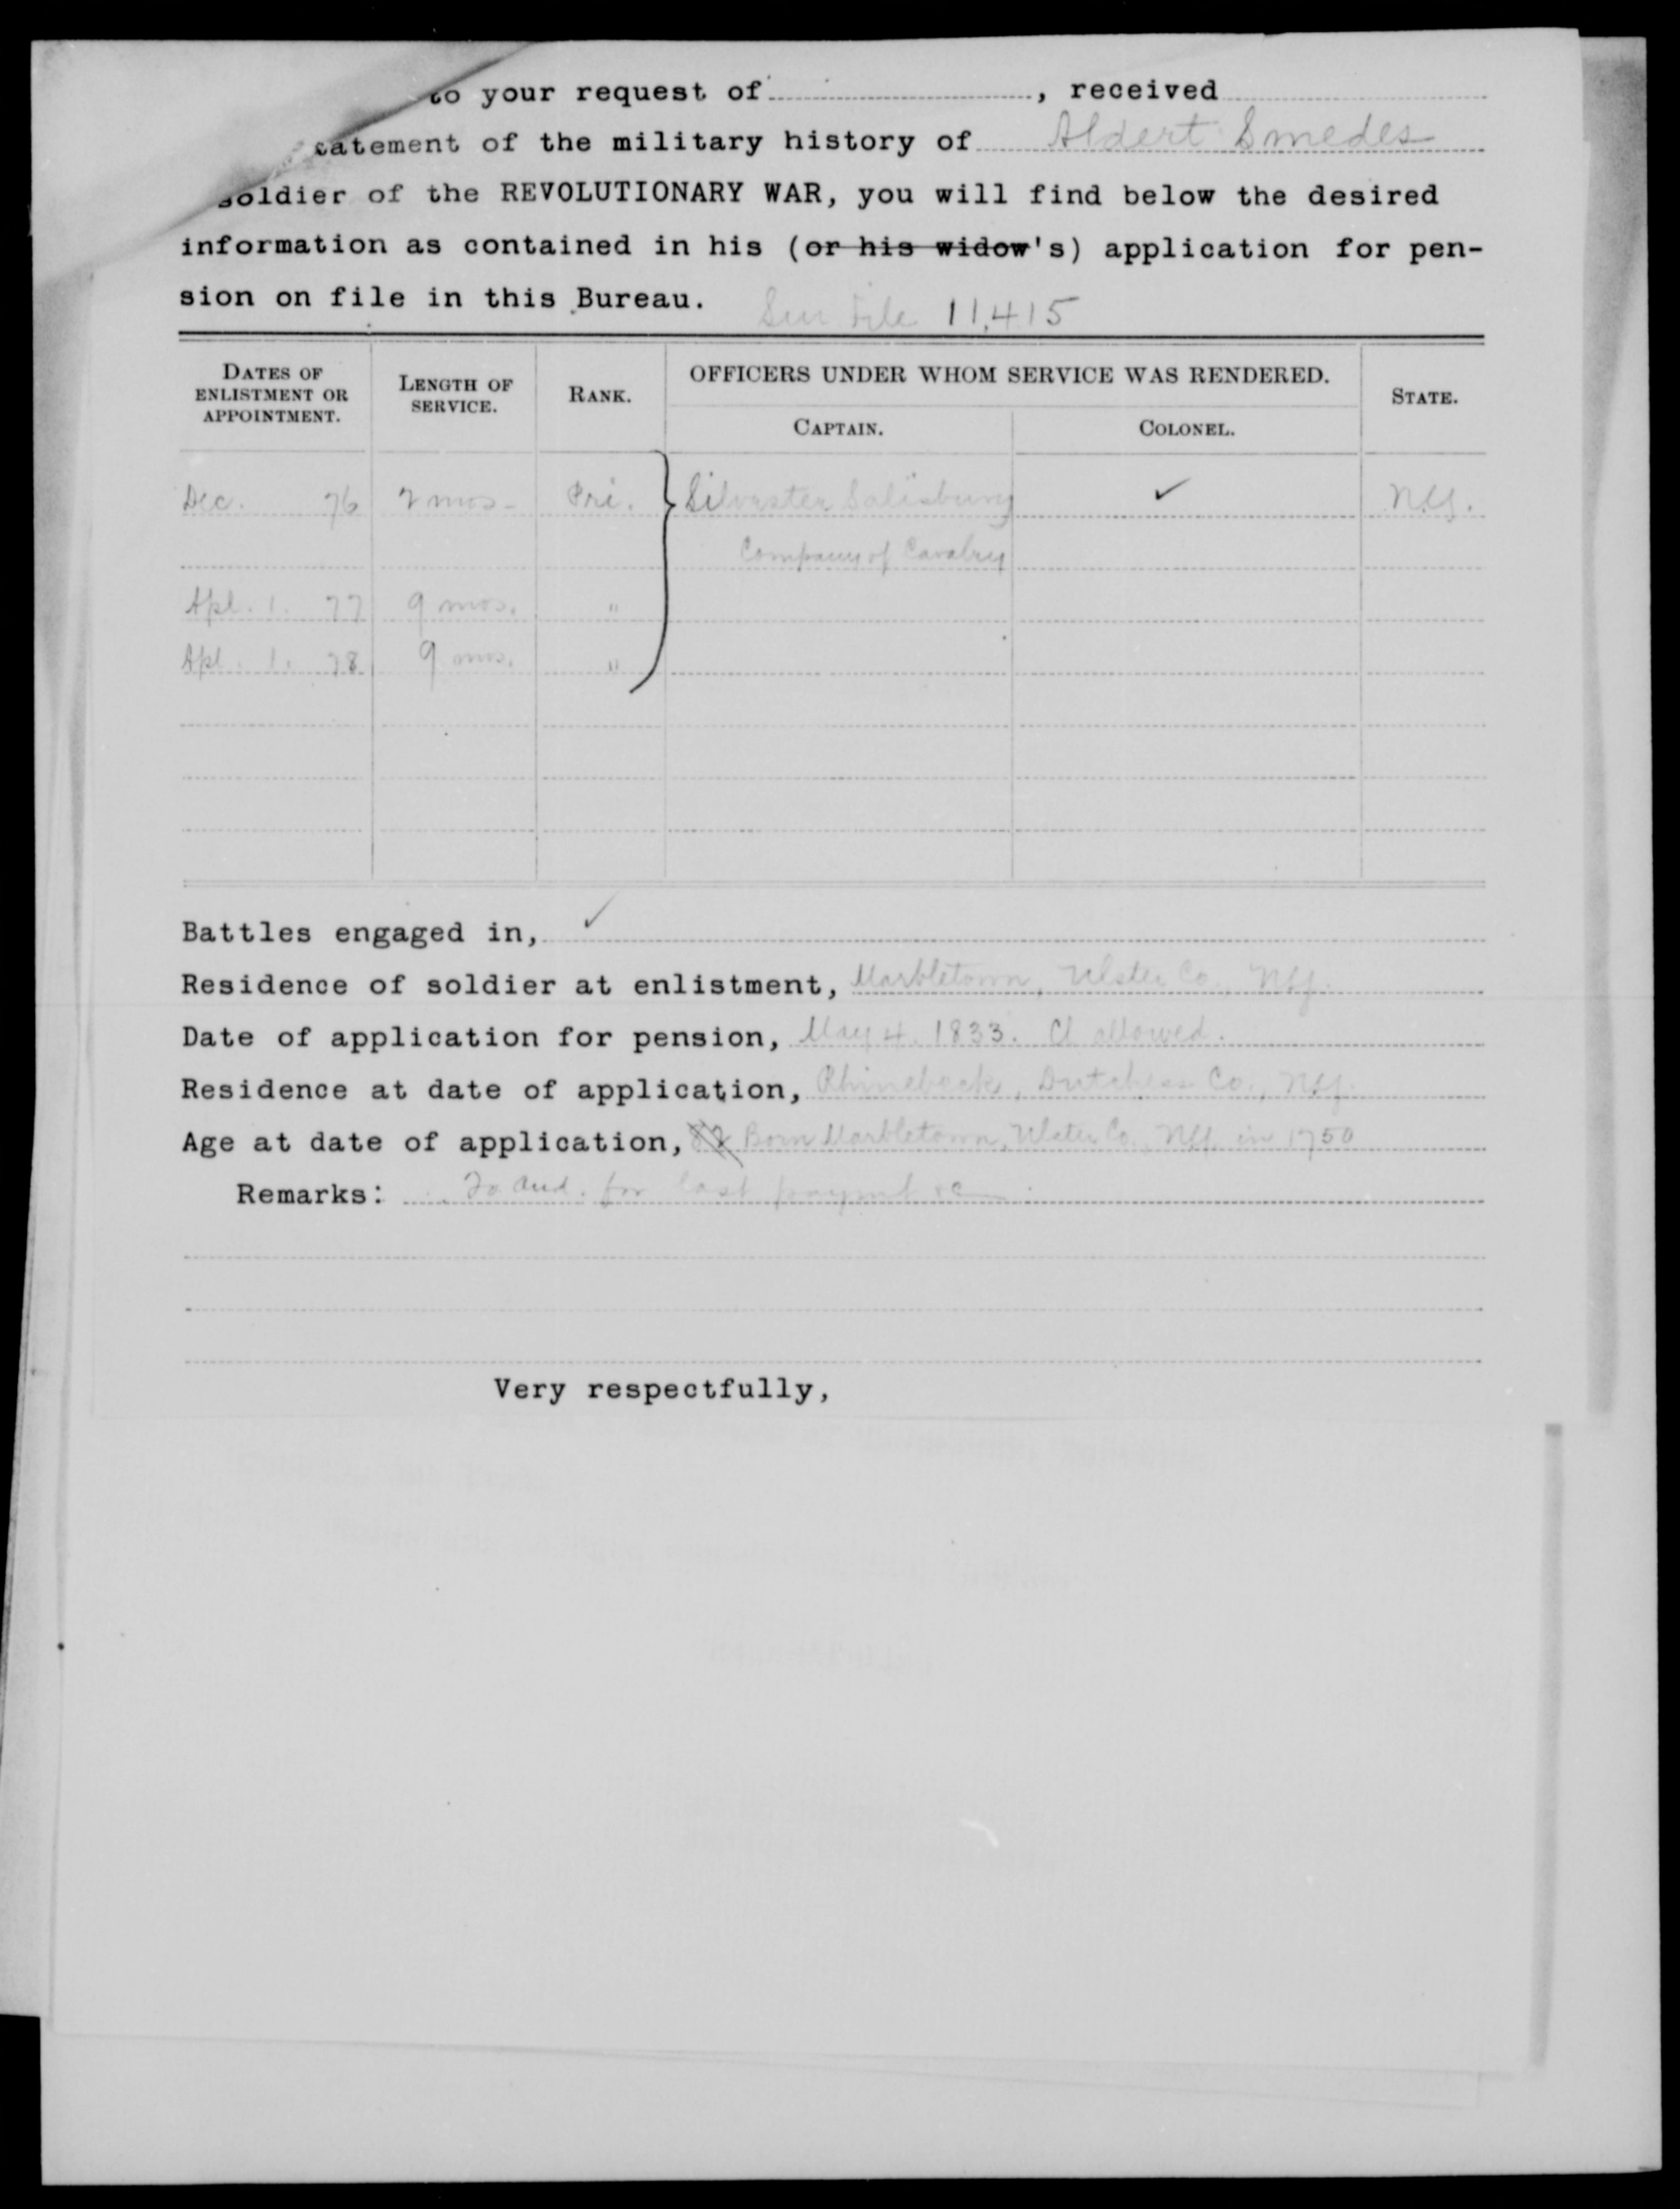to your request of__, received ___
statement of the military history of Aldert Smedes a soldier of the Revolutionar War, you will find below the desired informatin as contained in his [struck through:  (or his widow's)] application for pension on file in thie Bureau.  Sen file 11,415  

Dates of Enlistment of Appointment  Dec 76
Length of Service  2 mos. 
Rank Pri. [private]
State  NY
Apl 1 77  9 mos.   Pri.
Apl 1 78   9 mos.  Pri.
Officers under whom service was rendered  Silvester Salisbury  Company of Cavalry

Battles engaged in, [check mark]
Residence of soldier at enlistment, Marbletown, Ulster Co NY
Date of application for pension, May 4, 1833.  Cl allowed.
Residence at date of application, Rhinebeck, Dutchess Co. NY
Age at date of application [crossed out:  82]  Born Marbletown, Ulster Co NY in 1750
Remarks:  20 and. for last payment re:

Very respectfully,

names: Aldert Smedes; Silvester Salisbury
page: 17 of 29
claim: survivor's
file: S. 11415, for Aldert Smedes, New York